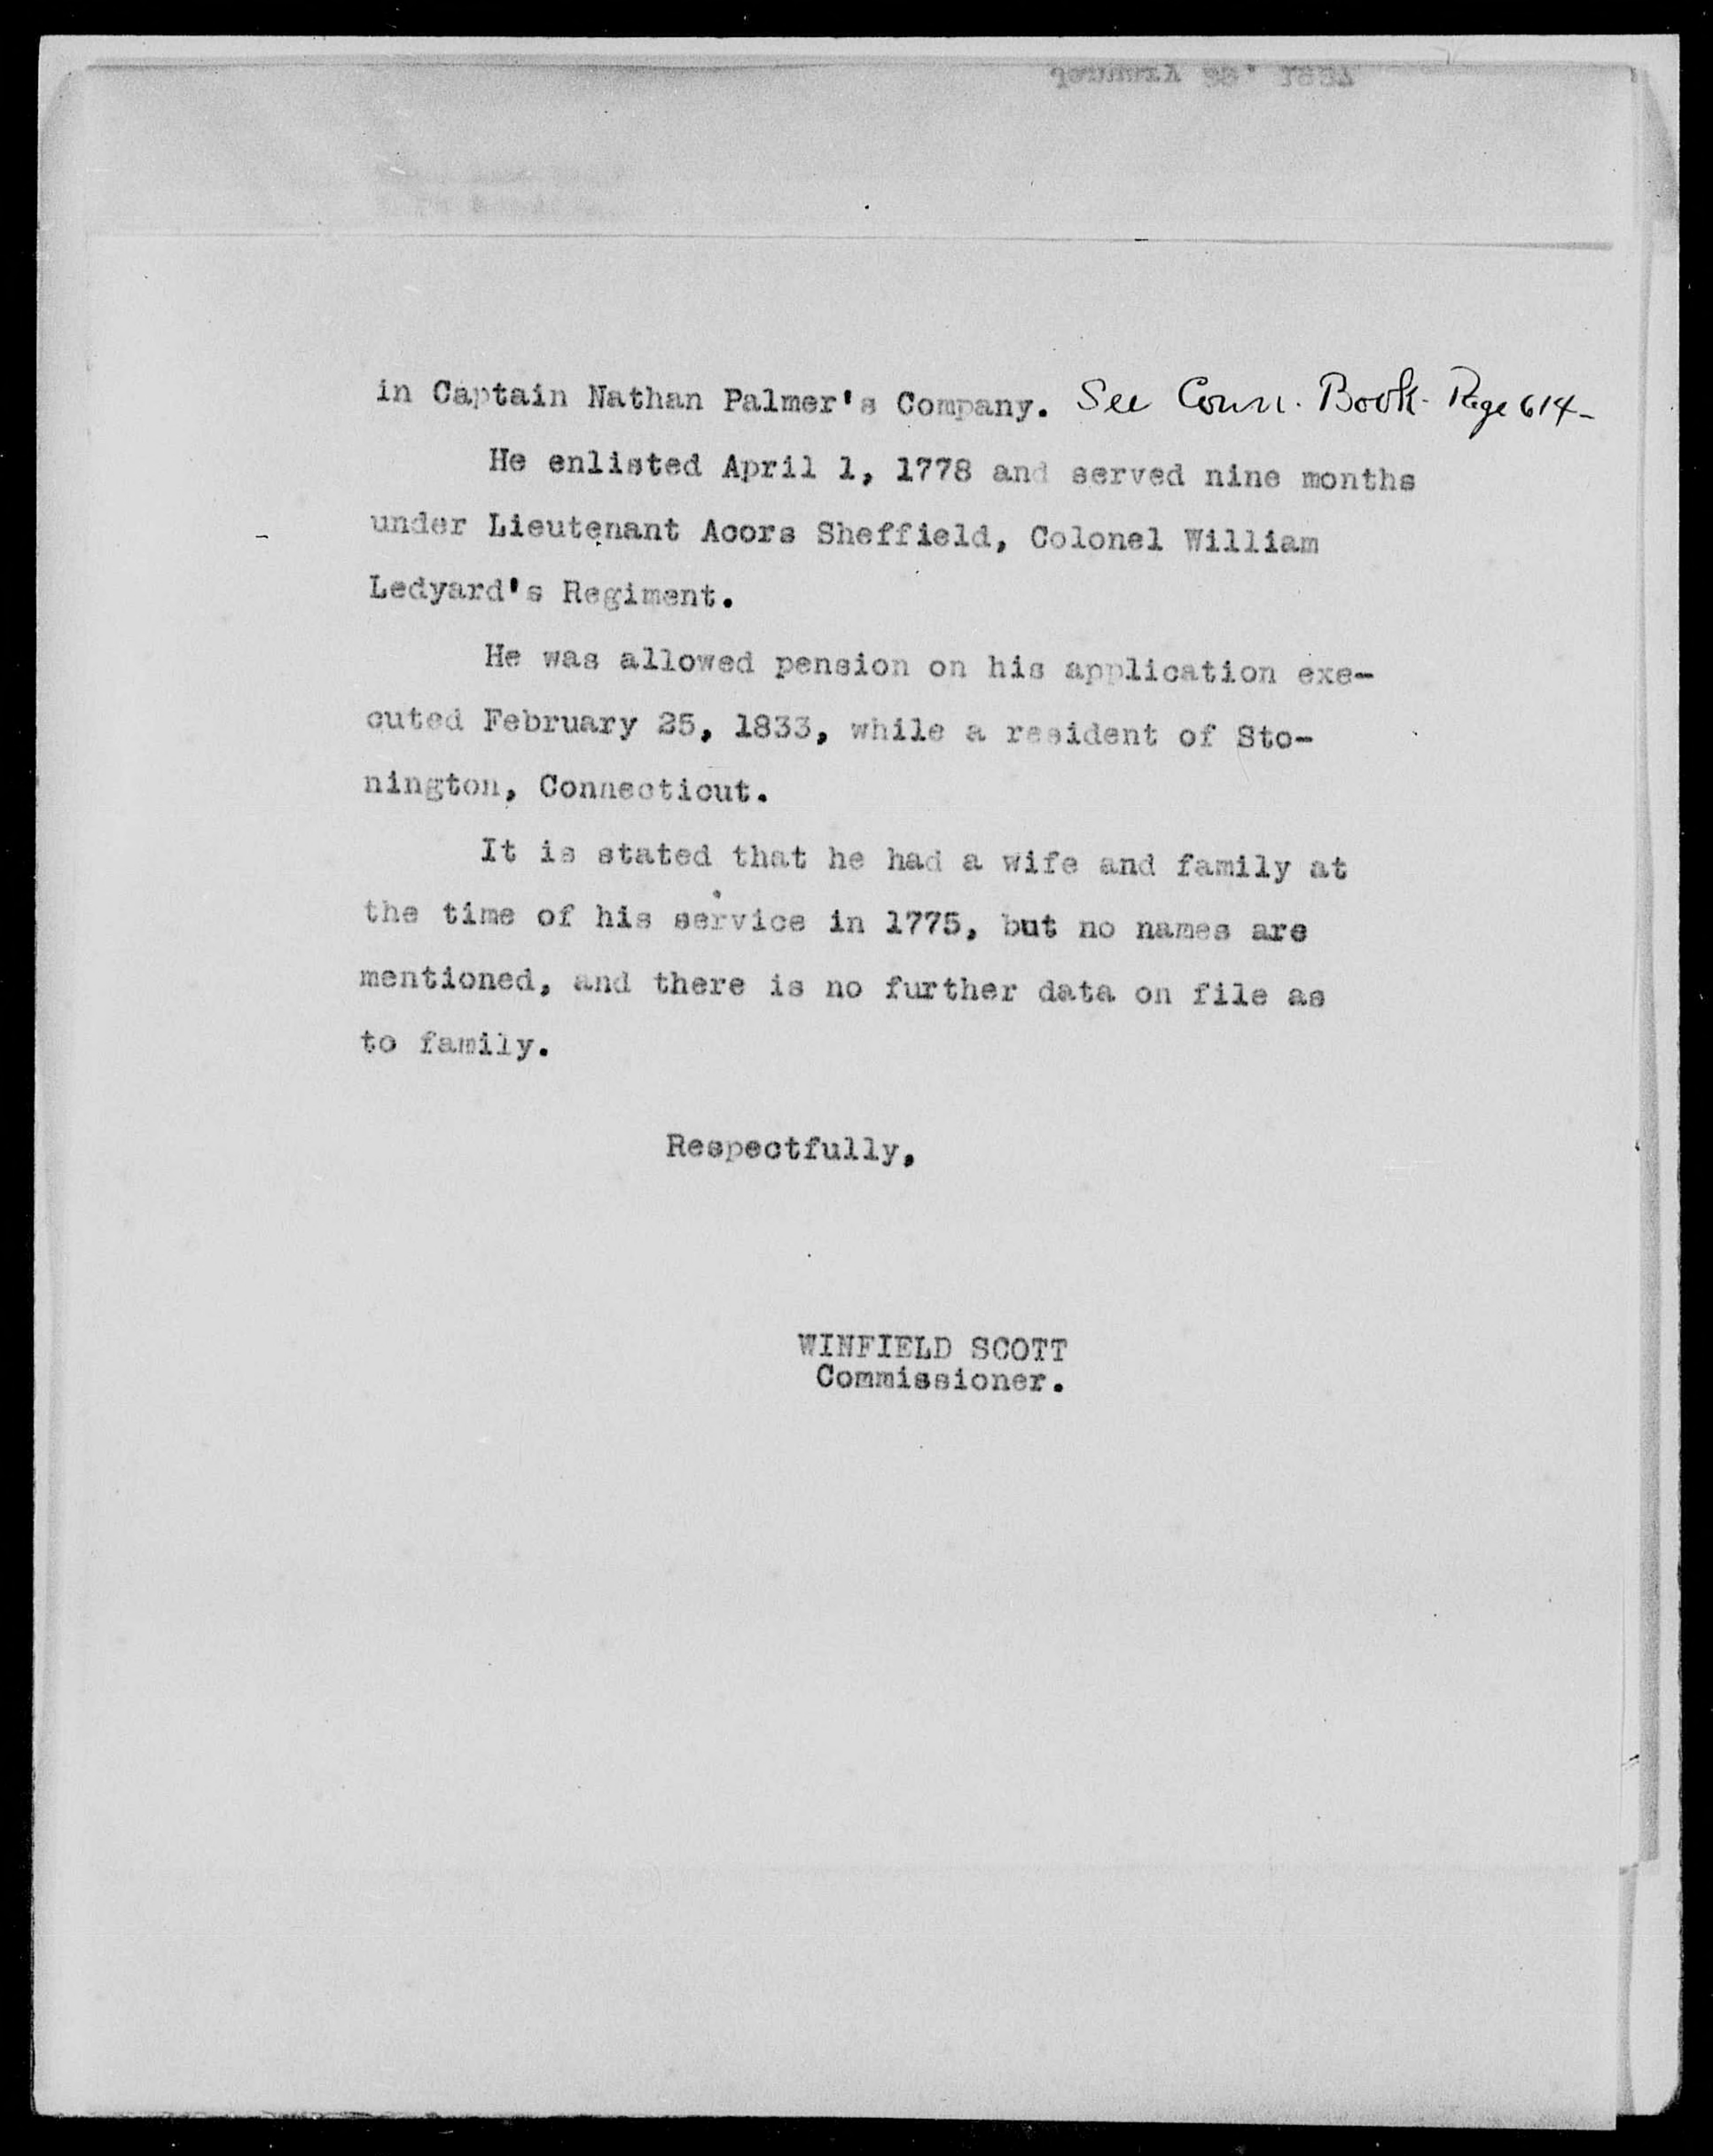in Captain Nathan Palmer's Company. See Conn. Book Page 614
He enlisted April 1, 1778 and served nine months
under Lieutenant Acors Sheffield, Colonel William Ledyard's Regiment.
He was allowed pension on his application executed February 25, 1833, while a resident of Stonington, Connecticut.
It is stated that he had a wife and family at
the time of his service in 1775, but no names are
mentioned, and there is no further data on file as
to family.
Respectfully,
WINFIELD SCOTT
Commissioner.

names: Acors Sheffield, Winfield Scott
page: 12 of 26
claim: survivor's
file: S. 16843, Edward Hancox, Conn.